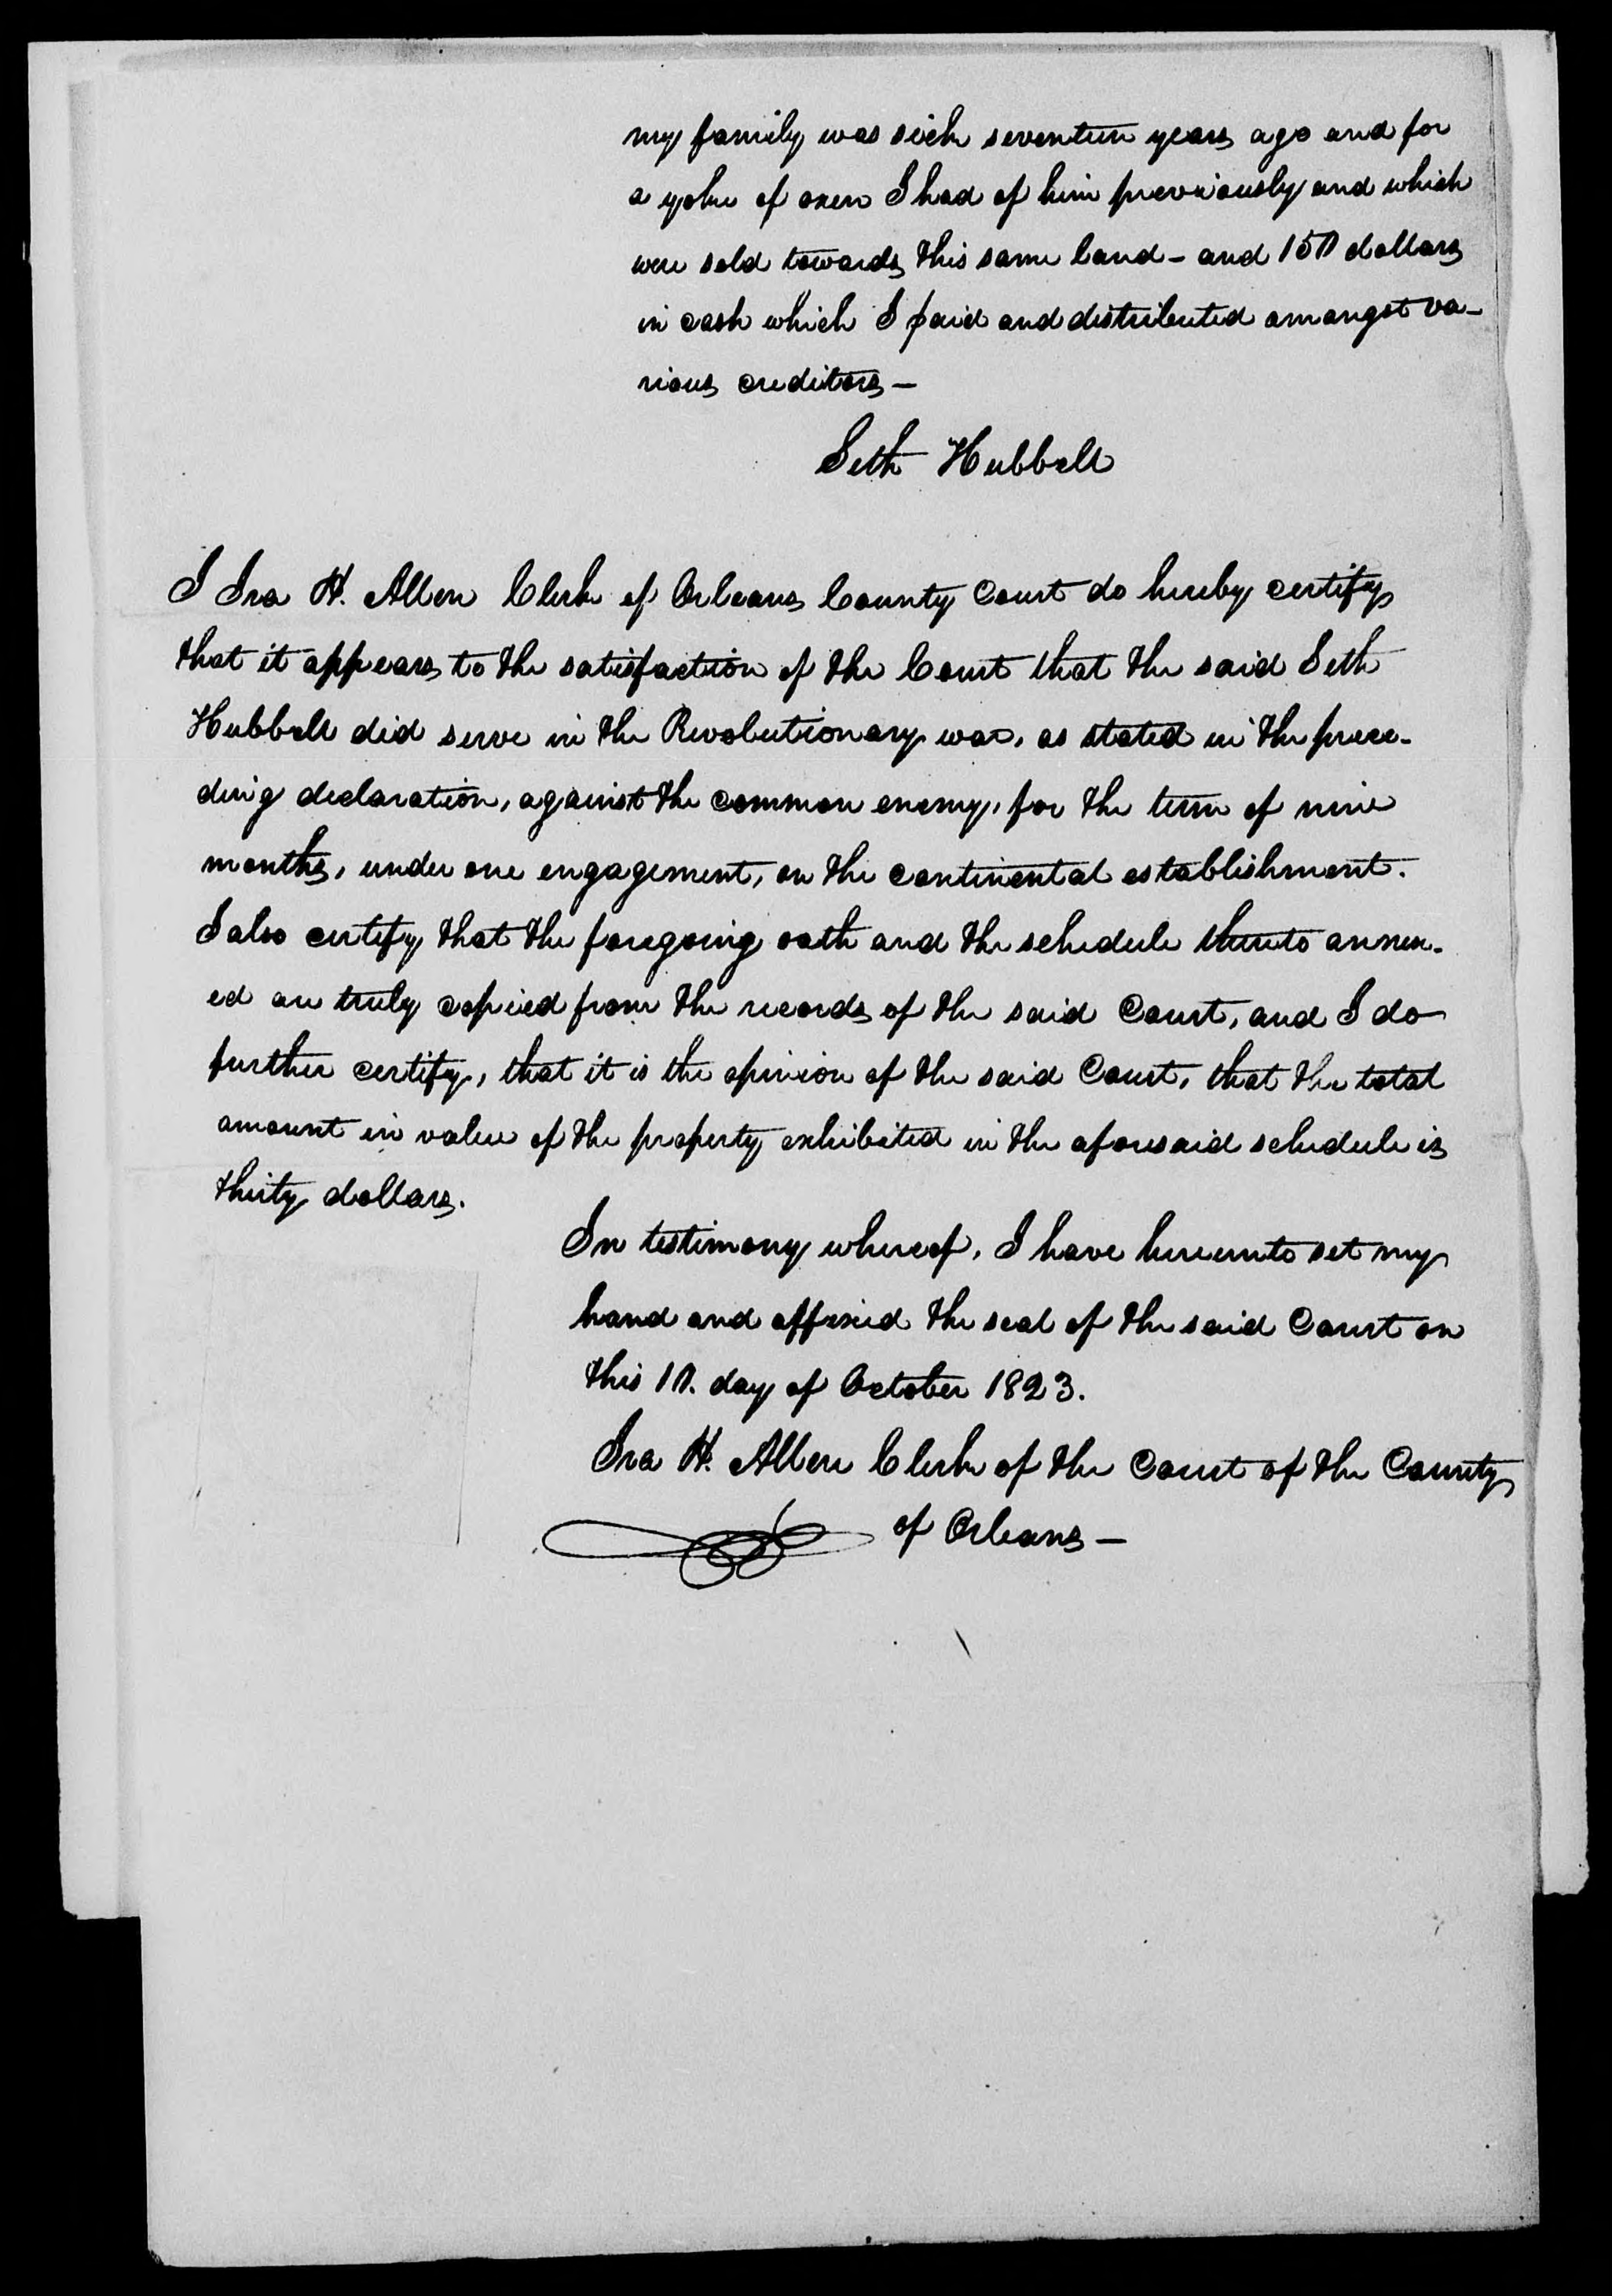my family was sick seventeen years and for
a yoke of oxen I had of him previously and which
was sold towards this same land _ and 150 dollars
in cash which I paid and distributed amongst various
creditors _
Seth Hubbell

I Ira H. Allen Clerk of Orleans County Court do hereby certify
that it appears to the satisfaction of the Court that the said Seth
Hubbell did serve in the Revolutionary war, as stated in the preceding 
declaration, again the common enemy, for the time of nine
months, under the engagement of the continental establishment.
I also certify that the foregoing oath and the schedule thereto annexed
are truly copied from the records of the said Court, and I do
further certify, that it is the opinion of the said Court, that the total
amount in value of the property exhibited in the aforesaid schedule is
thirty dollars.
In testimony whereof I have hereonto set my
hand and affixed the seal of the said Court on
this 10. day of October 1823.
Ira H. Allen Clerk of the Court of the County
[signature] of Orleans __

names: Ira H Allen, Seth Hubbell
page: 48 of 114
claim: widow's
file: W. 2115, Seth Hubbell, Conn.